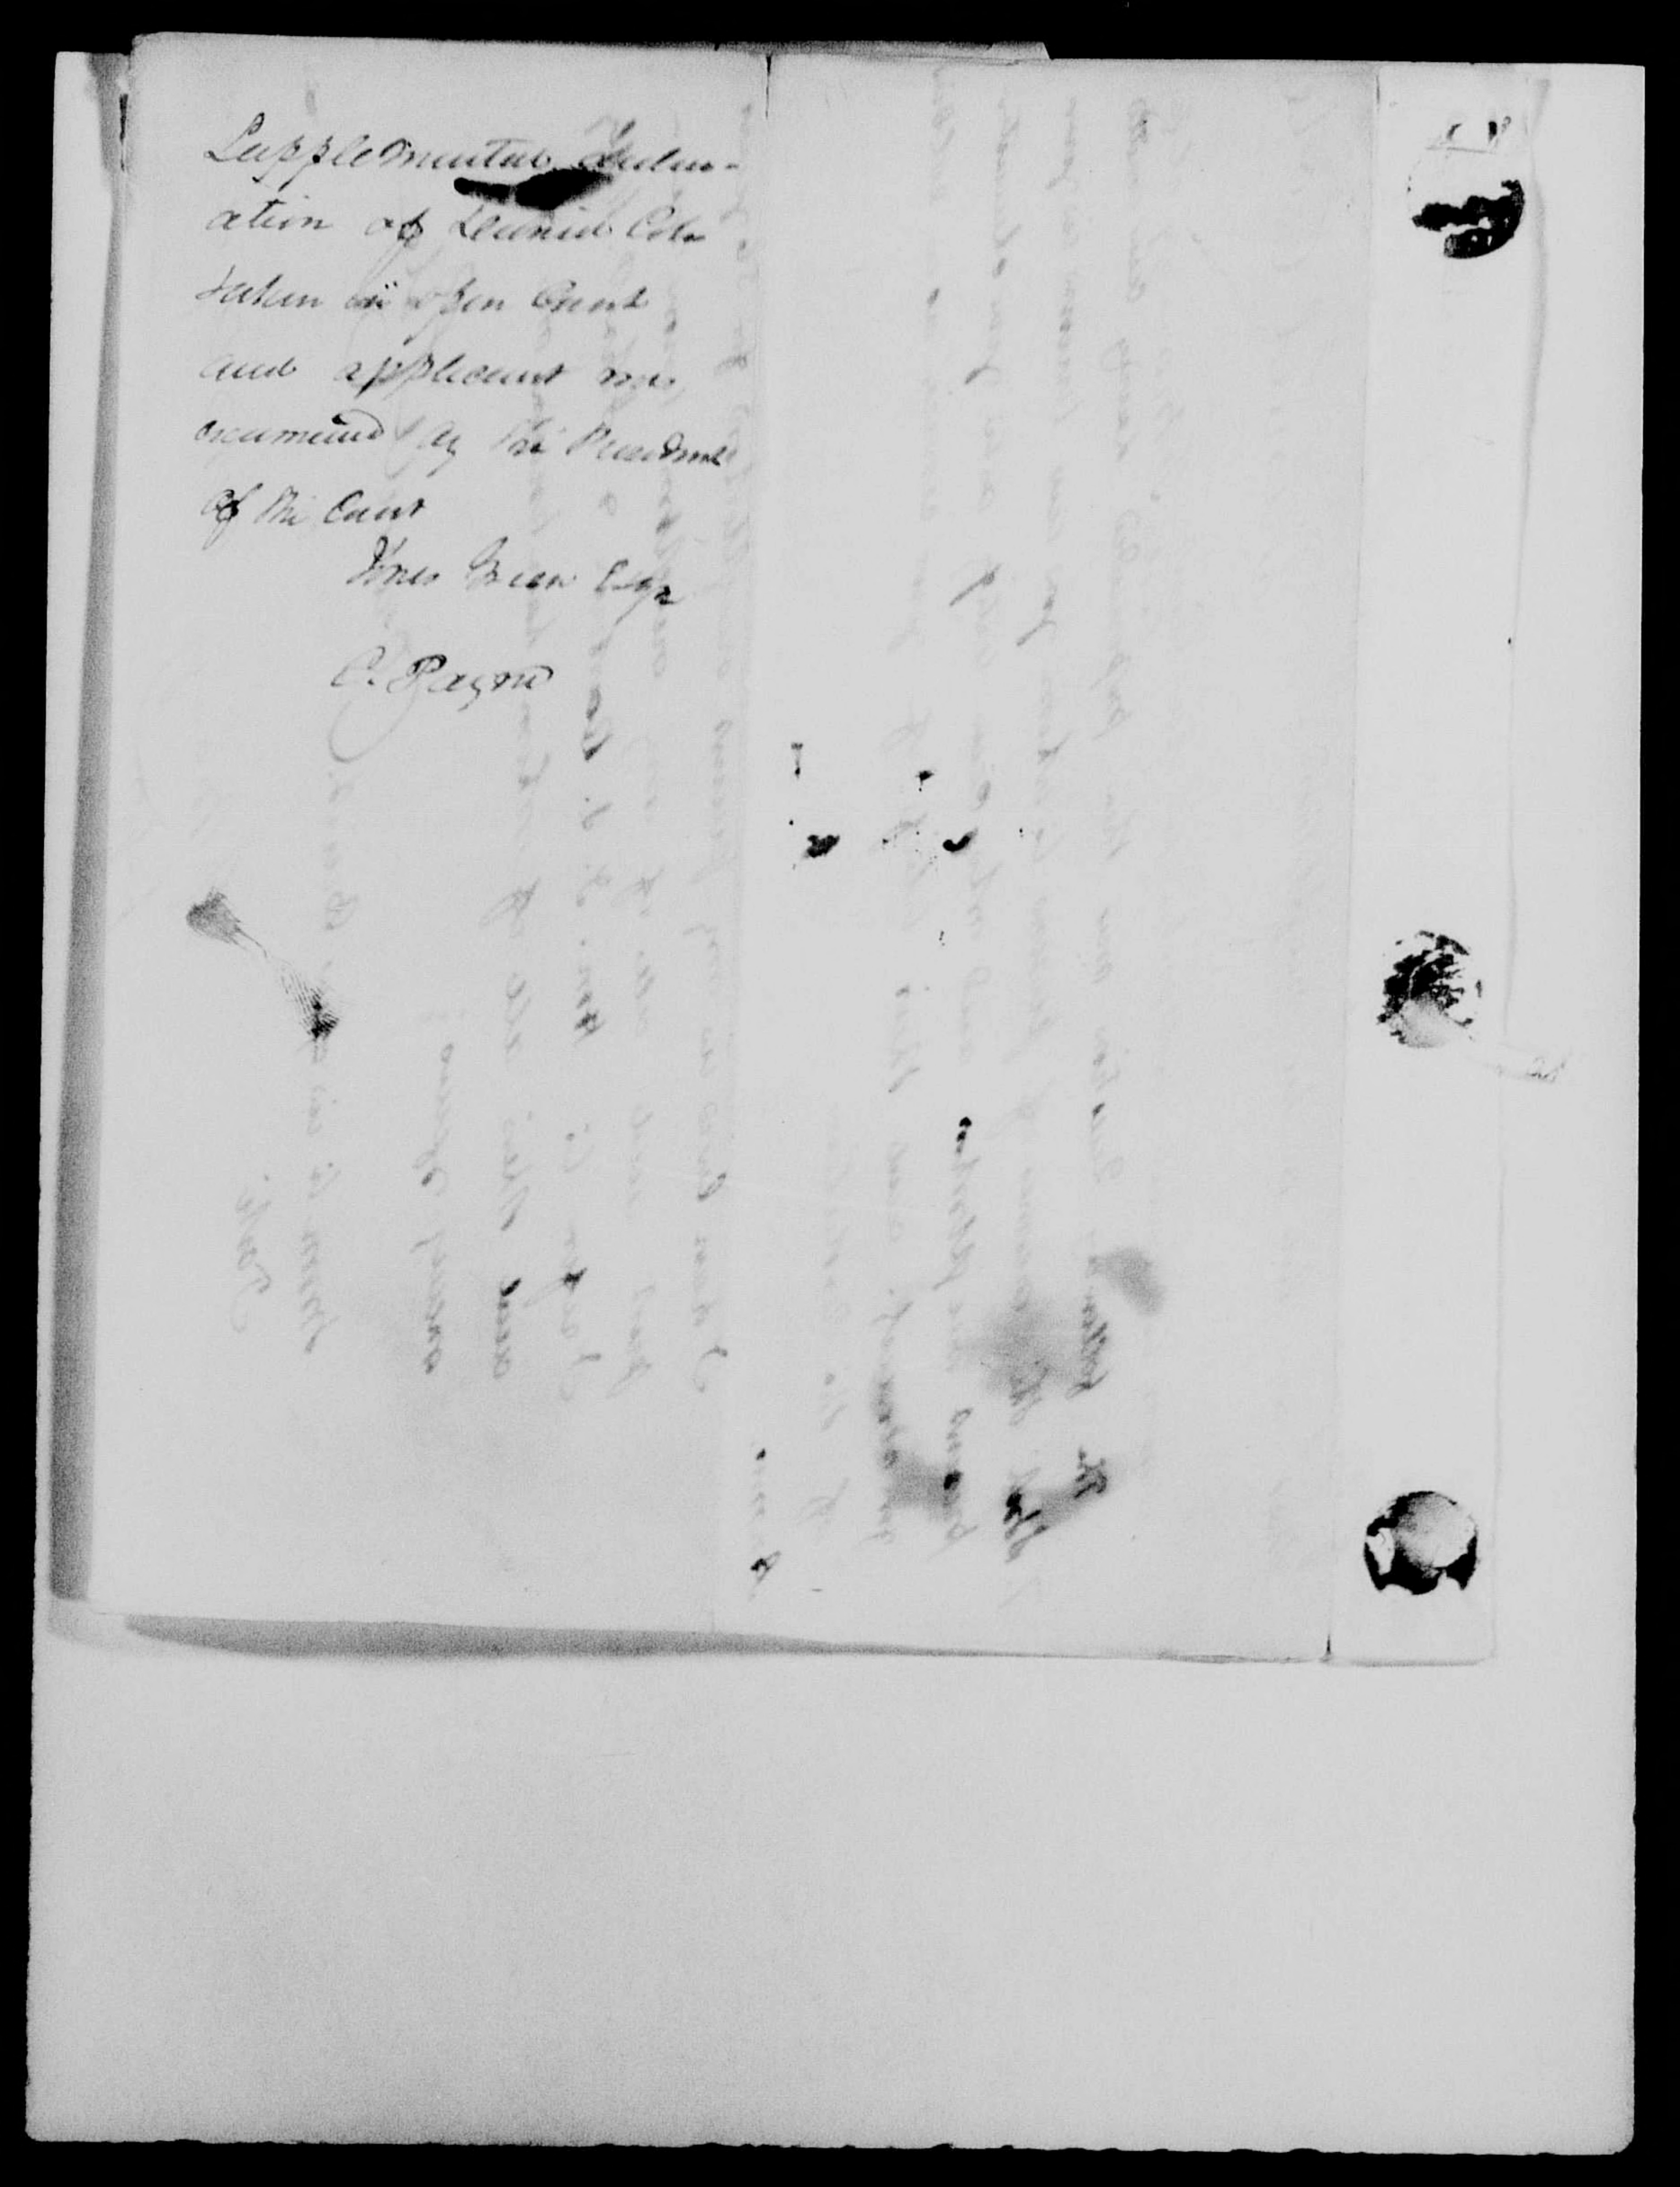Supplemental Declaration  of Daniel Cole taken in open Court
and applicant [illegible] 
examined by the President of the Court
Jones Green Esq.

C. Payne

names: Jones Green, Daniel Cole, C Payne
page: 8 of 61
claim: survivor's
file: S. 8236, Daniel Cole, Va.